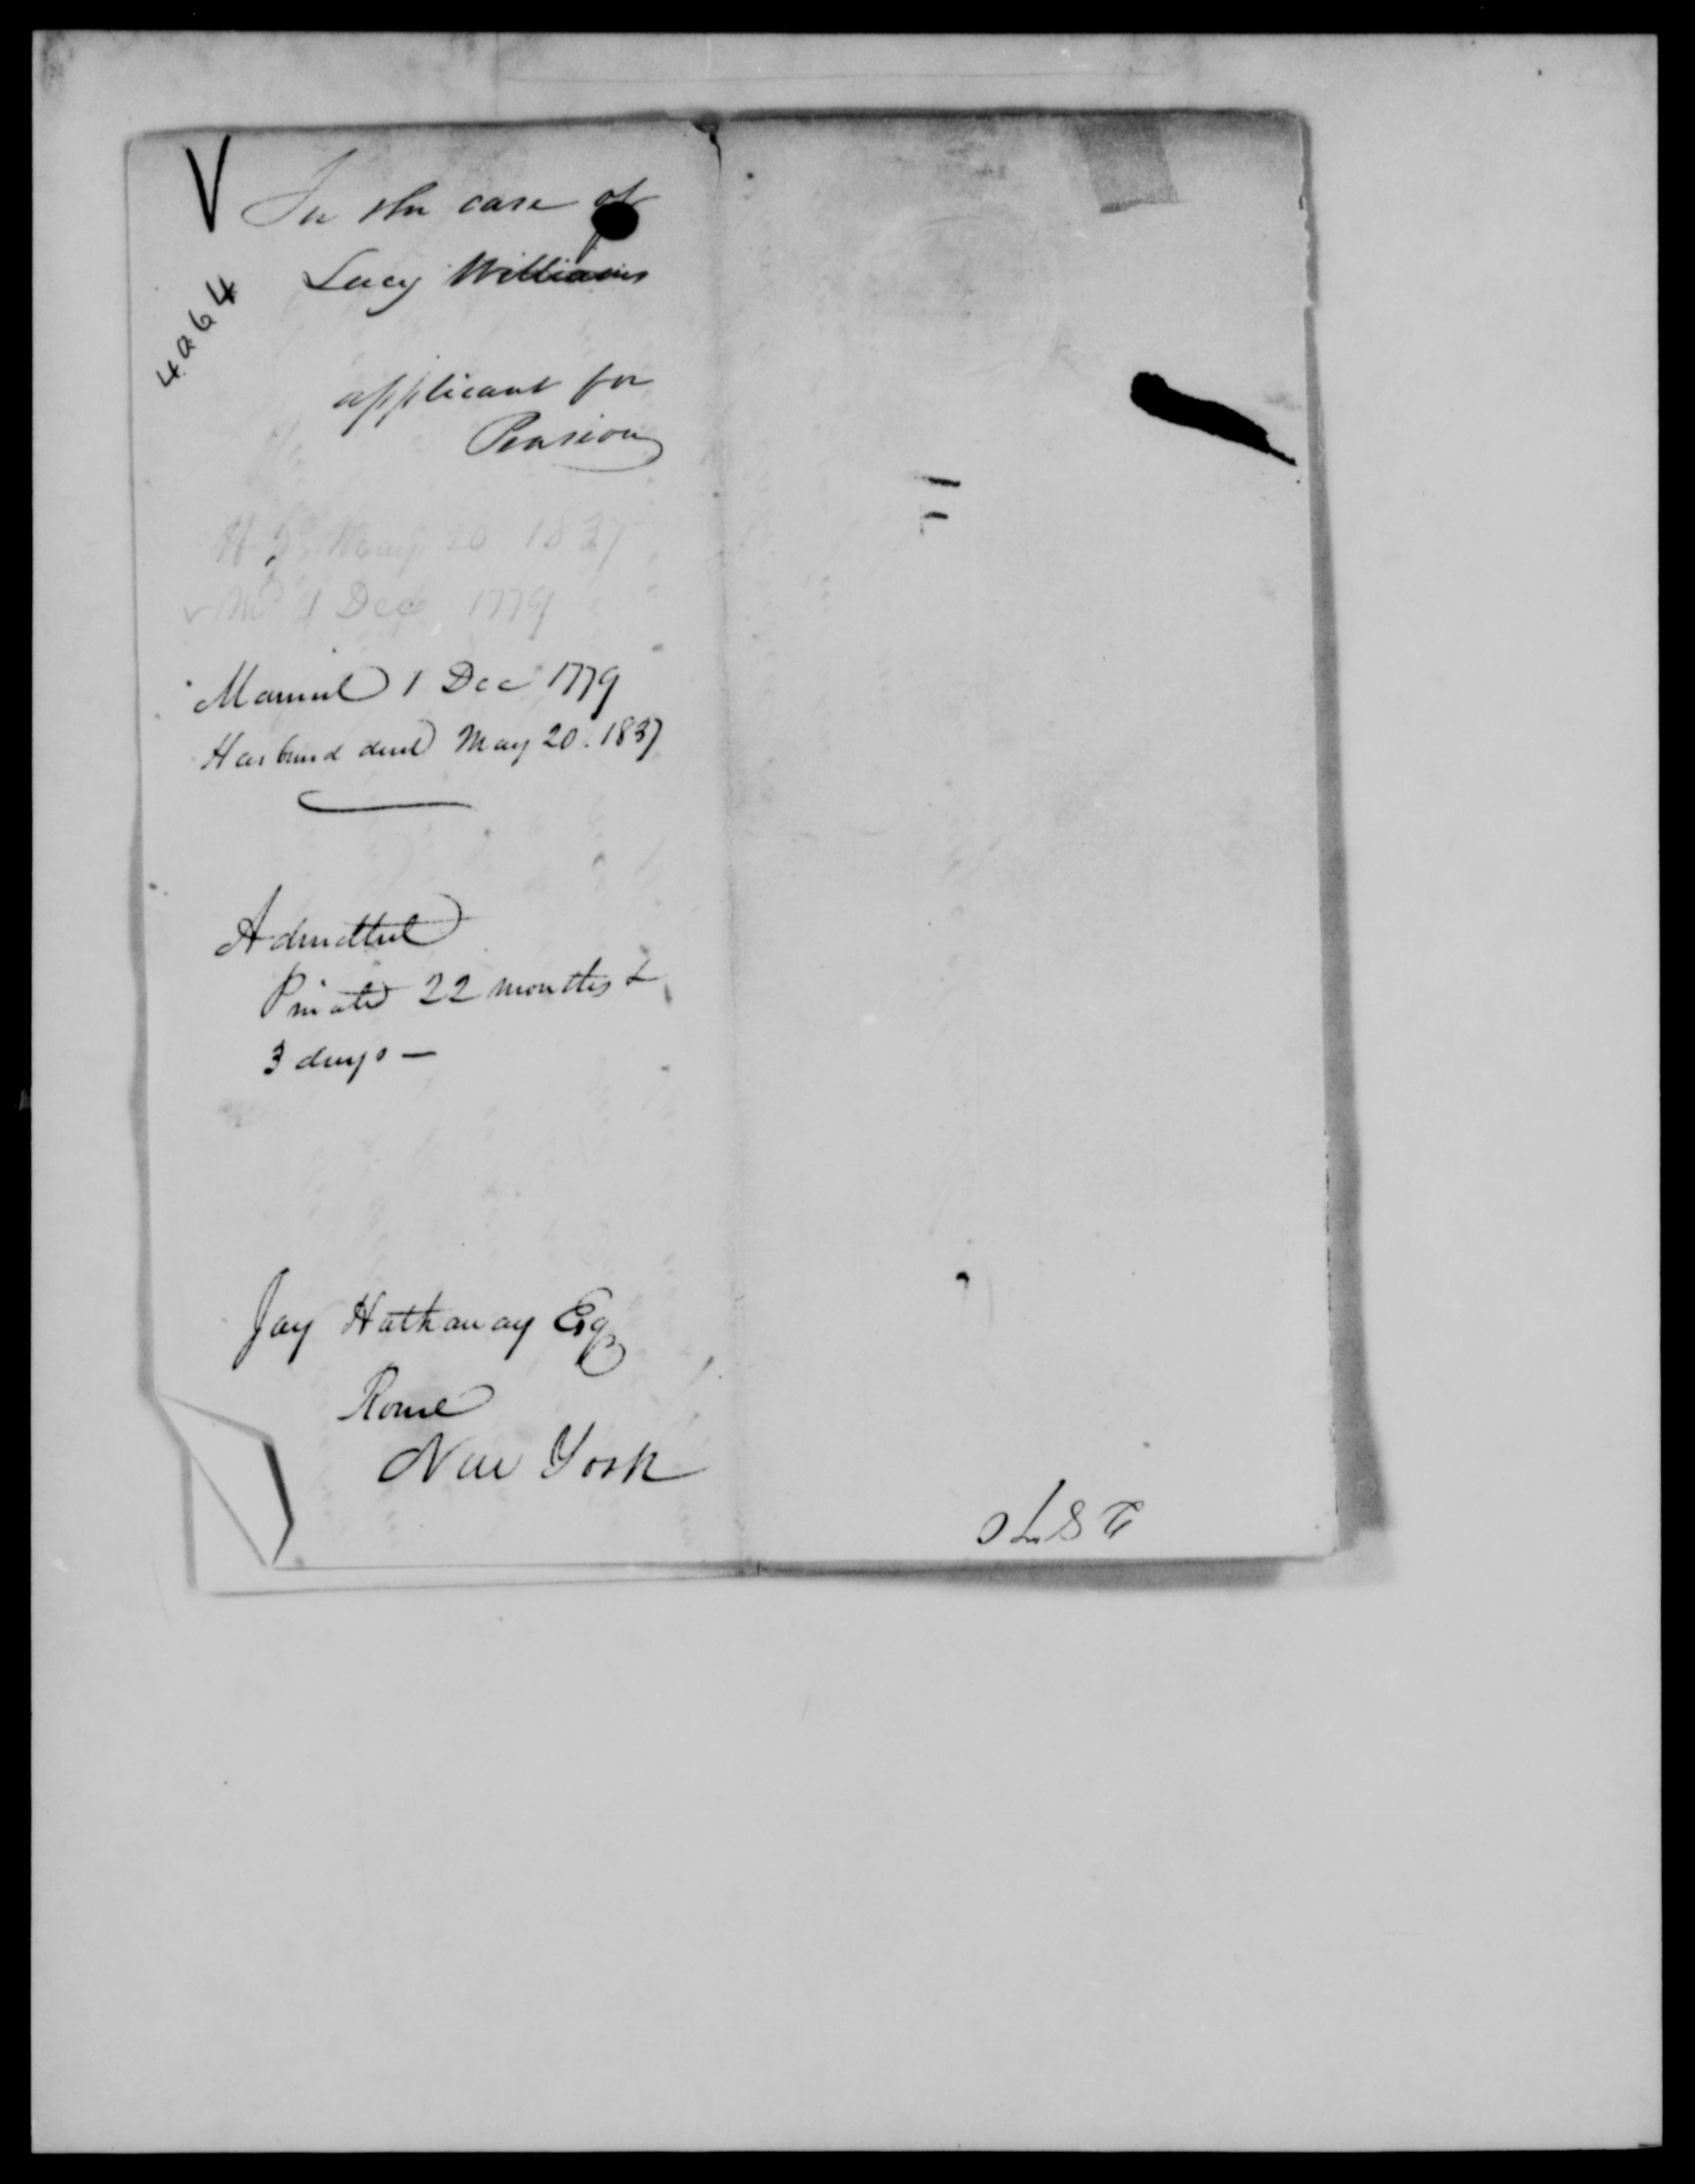V
In the case of Lucy Williams applicant for Pension
4064

Married 1 Dec 1779
Husband died May 20, 1837

Admitted Private 22 months & 3 days

Jay Hathaway Esq. Rome New York

2870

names: Jay Hathaway, Lucy Williams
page: 19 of 63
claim: widow's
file: W. 22,632, David Williams, Conn. Continental Privateer